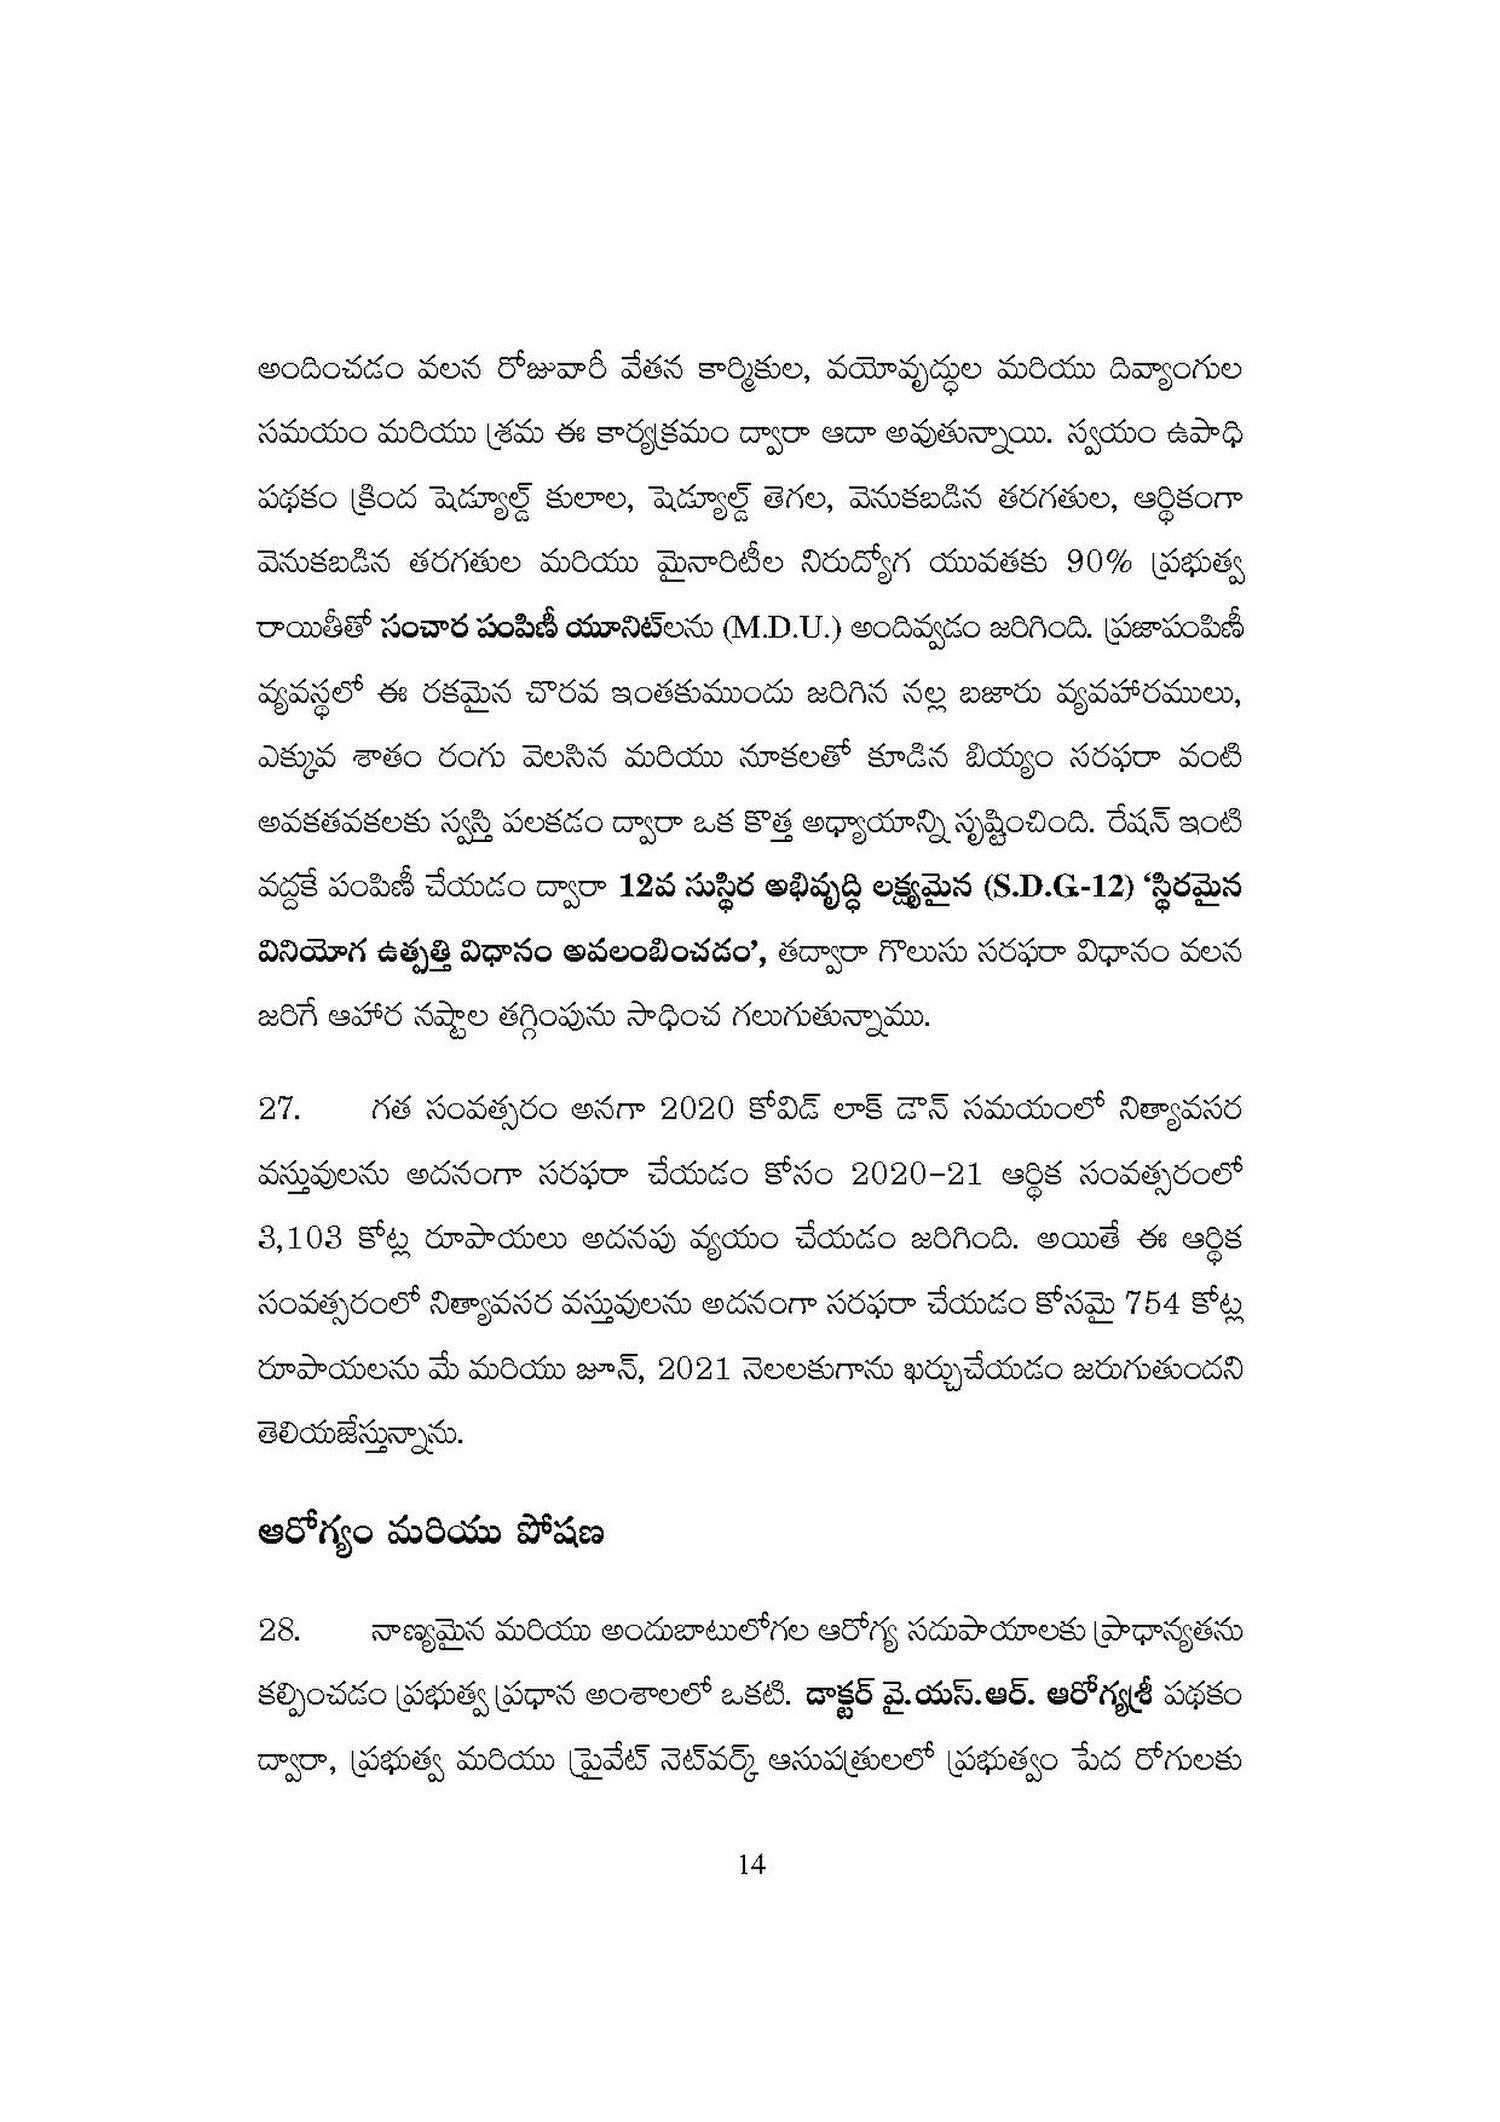అందించడం వలన రోజువారీ వేతన కార్మికుల, వయోవృద్ధుల మరియు దివ్యాంగుల
సమయం మరియు శ్రమ ఈ కార్యక్రమం ద్వారా ఆదా అవుతున్నాయి. స్వయం ఉపాధి
పథకం క్రింద షెడ్యూల్డ్ కులాల, షెడ్యూల్డ్ తెగల, వెనుకబడిన తరగతుల, ఆర్థికంగా
వెనుకబడిన తరగతుల మరియు మైనారిటీల నిరుద్యోగ యువతకు 90% ప్రభుత్వ
రాయితీతో సంచార పంపిణీ యూనిట్లను (M.D.U.) అందివ్వడం జరిగింది. ప్రజాపంపిణీ
వ్యవస్థలో ఈ రకమైన చొరవ ఇంతకుముందు జరిగిన నల్ల బజారు వ్యవహారములు,
ఎక్కువ శాతం రంగు వెలసిన మరియు నూకలతో కూడిన బియ్యం సరఫరా వంటి
అవకతవకలకు స్వస్తి పలకడం ద్వారా ఒక కొత్త అధ్యాయాన్ని సృష్టించింది. రేషన్ ఇంటి
వద్దకే పంపిణీ చేయడం ద్వారా 12వ సుస్థిర అభివృద్ధి లక్ష్యమైన (S.D.G-12) 'స్థిరమైన
వినియోగ ఉత్పత్తి విధానం అవలంబించడం', తద్వారా గొలుసు సరఫరా విధానం వలన
జరిగే ఆహార నష్టాల తగ్గింపును సాధించ గలుగుతున్నాము.

27. గత సంవత్సరం అనగా 2020 కోవిడ్ లాక్ డౌన్ సమయంలో నిత్యావసర
వస్తువులను అదనంగా సరఫరా చేయడం కోసం 2020-21 ఆర్థిక సంవత్సరంలో
3,103 కోట్ల రూపాయలు అదనపు వ్యయం చేయడం జరిగింది. అయితే ఈ ఆర్థిక
సంవత్సరంలో నిత్యావసర వస్తువులను అదనంగా సరఫరా చేయడం కోసమై 754 కోట్ల
రూపాయలను మే మరియు జూన్, 2021 నెలలకుగాను ఖర్చుచేయడం జరుగుతుందని
తెలియజేస్తున్నాను.

ఆరోగ్యం మరియు పోషణ

28. నాణ్యమైన మరియు అందుబాటులోగల ఆరోగ్య సదుపాయాలకు ప్రాధాన్యతను
కల్పించడం ప్రభుత్వ ప్రధాన అంశాలలో ఒకటి. డాక్టర్ వై.యస్.ఆర్. ఆరోగ్యశ్రీ పథకం
ద్వారా, ప్రభుత్వ మరియు ప్రైవేట్ నెట్ వర్క్ ఆసుపత్రులలో ప్రభుత్వం పేద రోగులకు